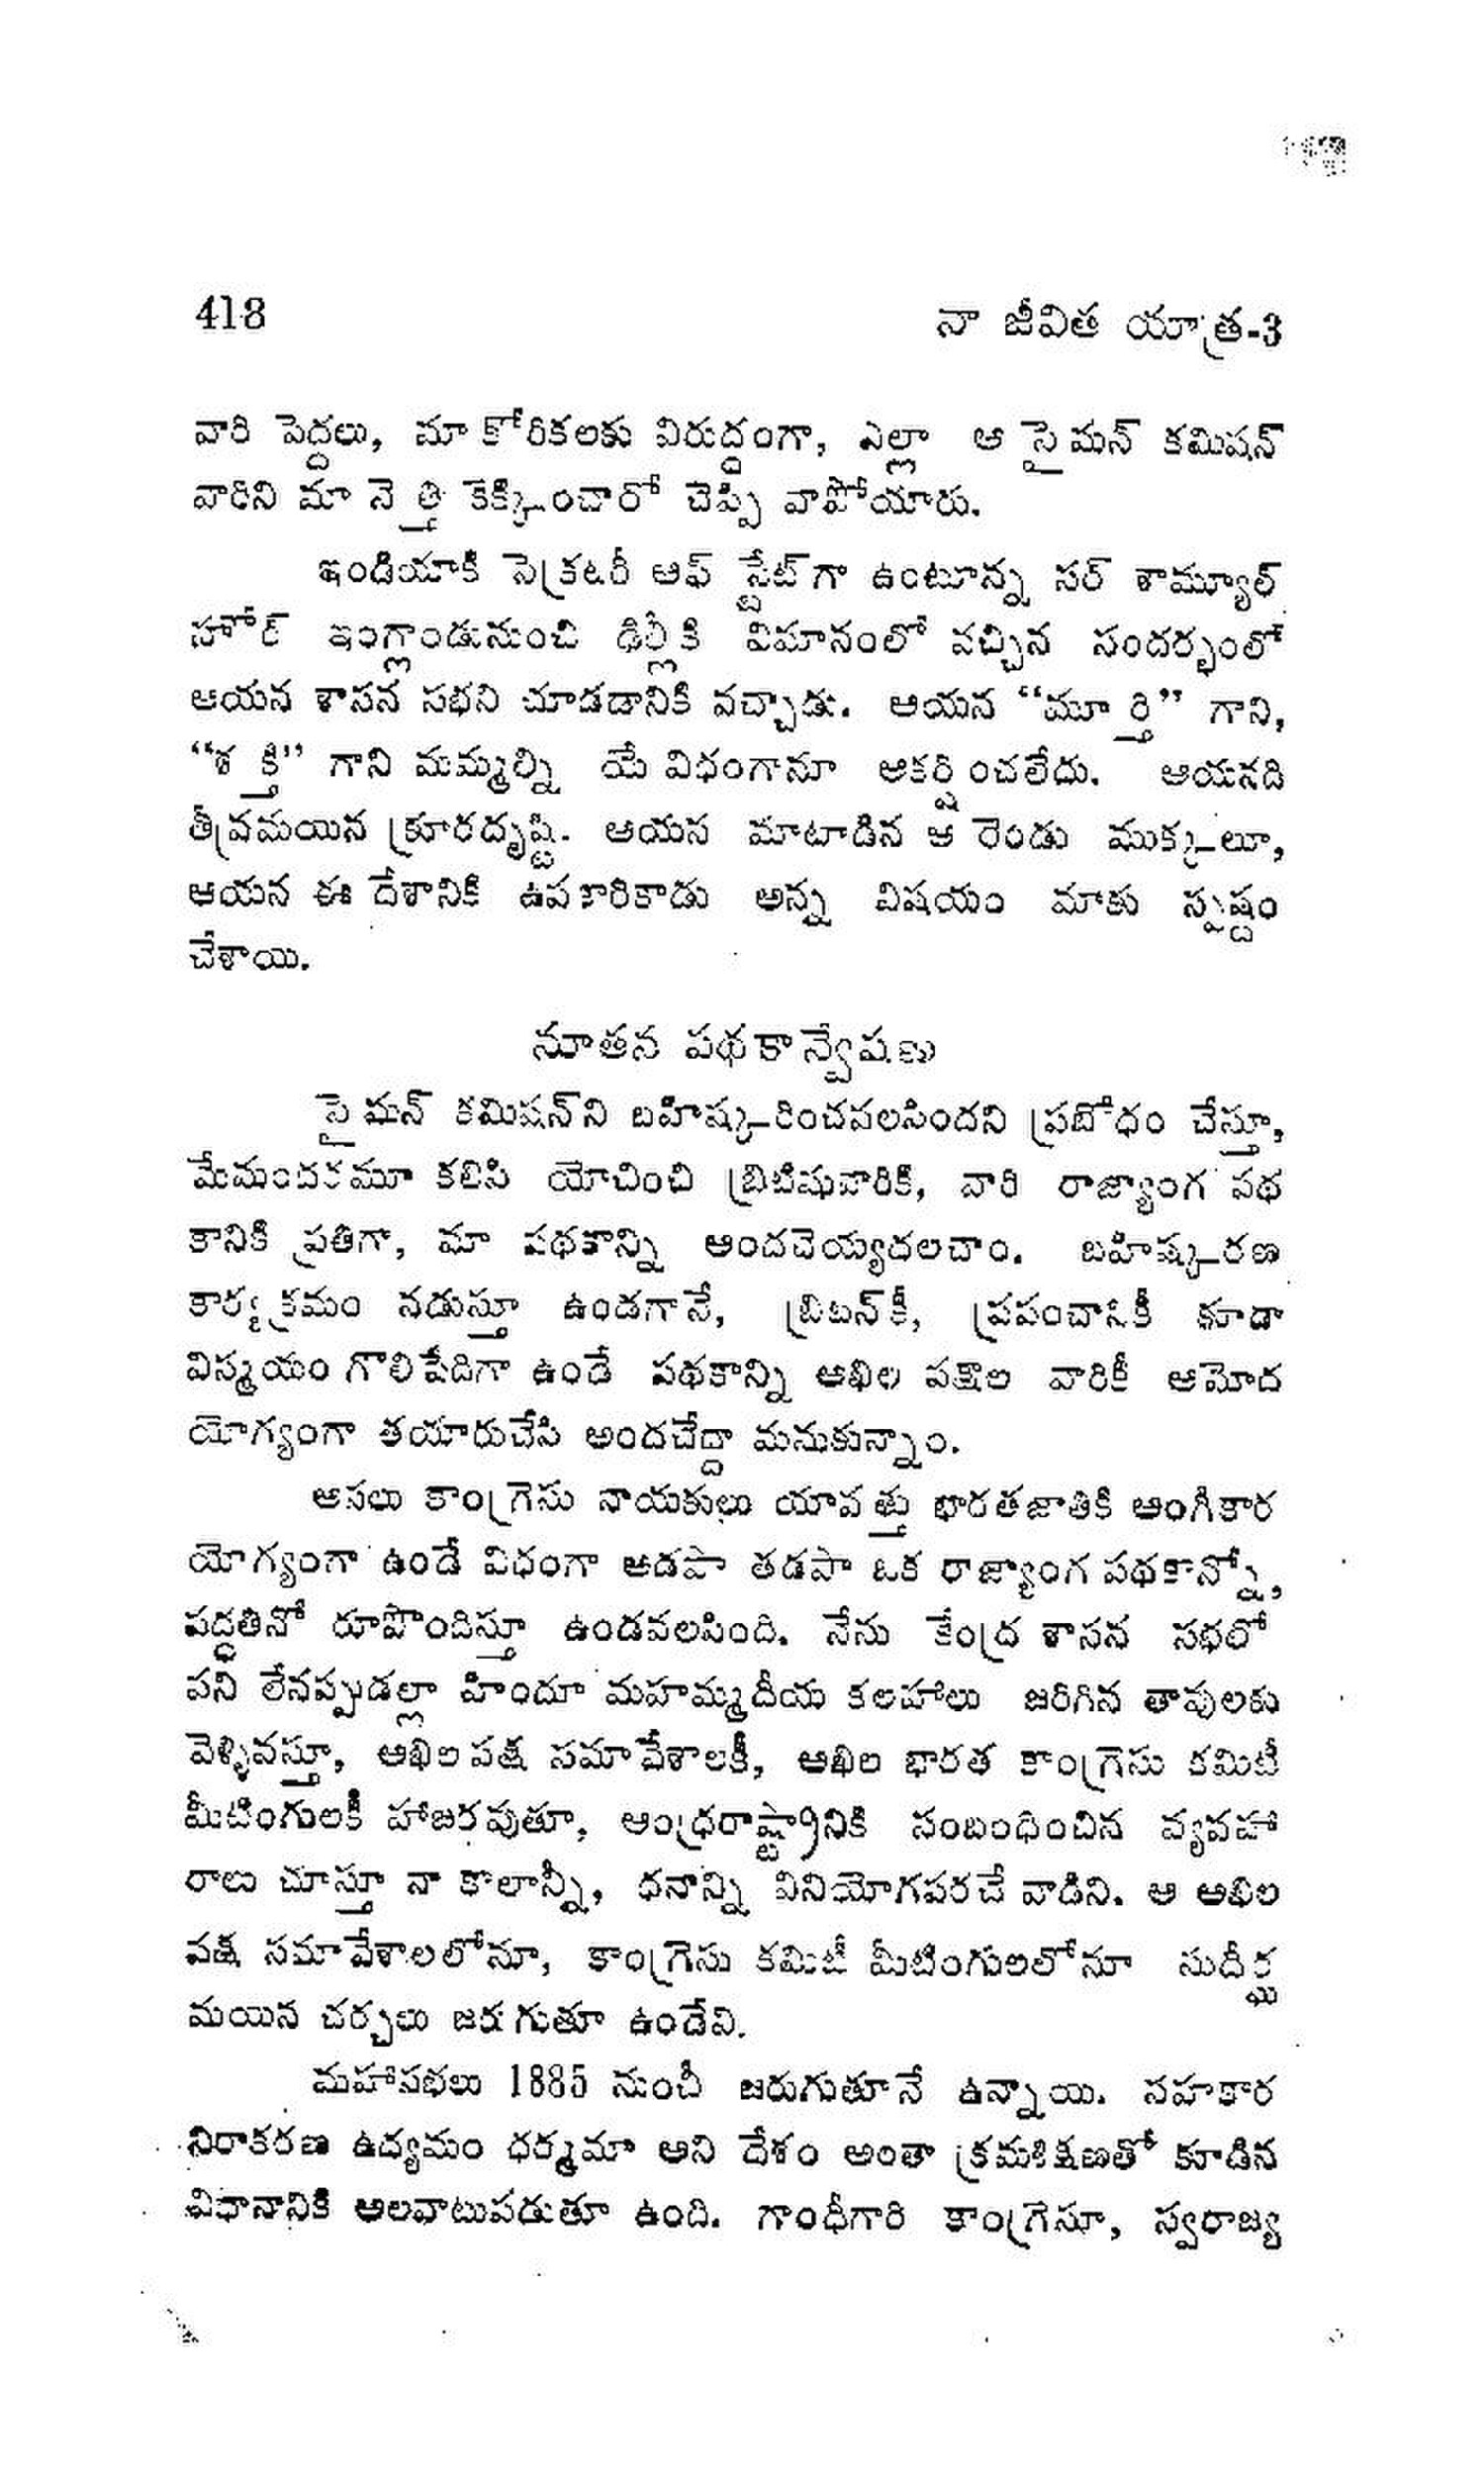వారి పెద్దలు, మా కోరికలకు విరుద్ధంగా, ఎల్లా ఆ సైమన్ కమిషన్ వారిని మా నెత్తి కెక్కించారో చెప్పి వాపోయారు.

ఇండియాకి సెక్రటరీ ఆఫ్ స్టేట్‌గా ఉంటూన్న సర్ శామ్యూల్ హోర్ ఇంగ్లాండునుంచి డిల్లీకి విమానంలో వచ్చిన సందర్భంలో ఆయన శాసన సభని చూడడానికి వచ్చాడు. ఆయన "మూర్తి" గాని, "శక్తి" గాని మమ్మల్ని యే విధంగానూ ఆకర్షించలేదు. ఆయనది తీవ్రమయిన క్రూరదృష్టి. ఆయన మాటాడిన ఆ రెండూ ముక్కలూ, ఆయన ఈ దేశానికి ఉపకారికాడు అన్న విషయం మాకు స్పష్టం చేశాయి.

సైమన్ కమిషన్‌ని బహిష్కరించవలసిందని ప్రబోధం చేస్తూ, మేమందరమూ కలిసి యోచించి బ్రిటిషువారికి, వారి రాజ్యాంగ పథకానికి ప్రతిగా, మా పథకాన్ని అందచెయ్య దలచాం. బహిష్కరణ కార్యక్రమం నడుస్తూ ఉండగానే, బ్రిటన్‌కీ, ప్రపంచానికీ కూడా విస్మయం గొలిపేదిగా ఉండే పథకాన్ని అఖిల పక్షాల వారికీ ఆమోదయోగ్యంగా తయారుచేసి అందచేద్దా మనుకున్నాం.

అసలు కాంగ్రెసు నాయకులు యావత్తు భారతజాతికి అంగీకారయోగ్యంగా ఉండే విధంగా అడపా తడపా ఒక రాజ్యాంగ పథకాన్నో, పద్ధతినో రూపొందిస్తూ ఉండవలసింది. నేను కేంద్ర శాసన సభలో పని లేనప్పుడల్లా హిందూ మహమ్మదీయ కలహాలు జరిగిన తావులకు వెళ్ళివస్తూ, అఖిలపక్ష సమావేశాలకీ, అఖిల భారత కాంగ్రెసు కమిటీ మీటింగులకీ హాజరవుతూ, ఆంధ్రరాష్ట్రానికి సంబంధించిన వ్యవహారాలు చూస్తూ నా కాలాన్నీ, ధనాన్ని వినియోగపరచే వాడిని. ఆ అఖిలపక్ష సమావేశాలలోనూ, కాంగ్రెసు కమిటీ మీటింగులలోనూ సుదీర్ఘమయిన చర్చలు జరుగుతూ ఉండేవి.

మహాసభలు 1885 నుంచీ జరుగుతూనే ఉన్నాయి. సహకార నిరాకరణ ఉద్యమం ధర్మమా అని దేశం అంతా క్రమశిక్షణతో కూడిన విధానానికి అలవాటుపడుతూ ఉంది. గాంధీగారి కాంగ్రెసూ, స్వరాజ్య